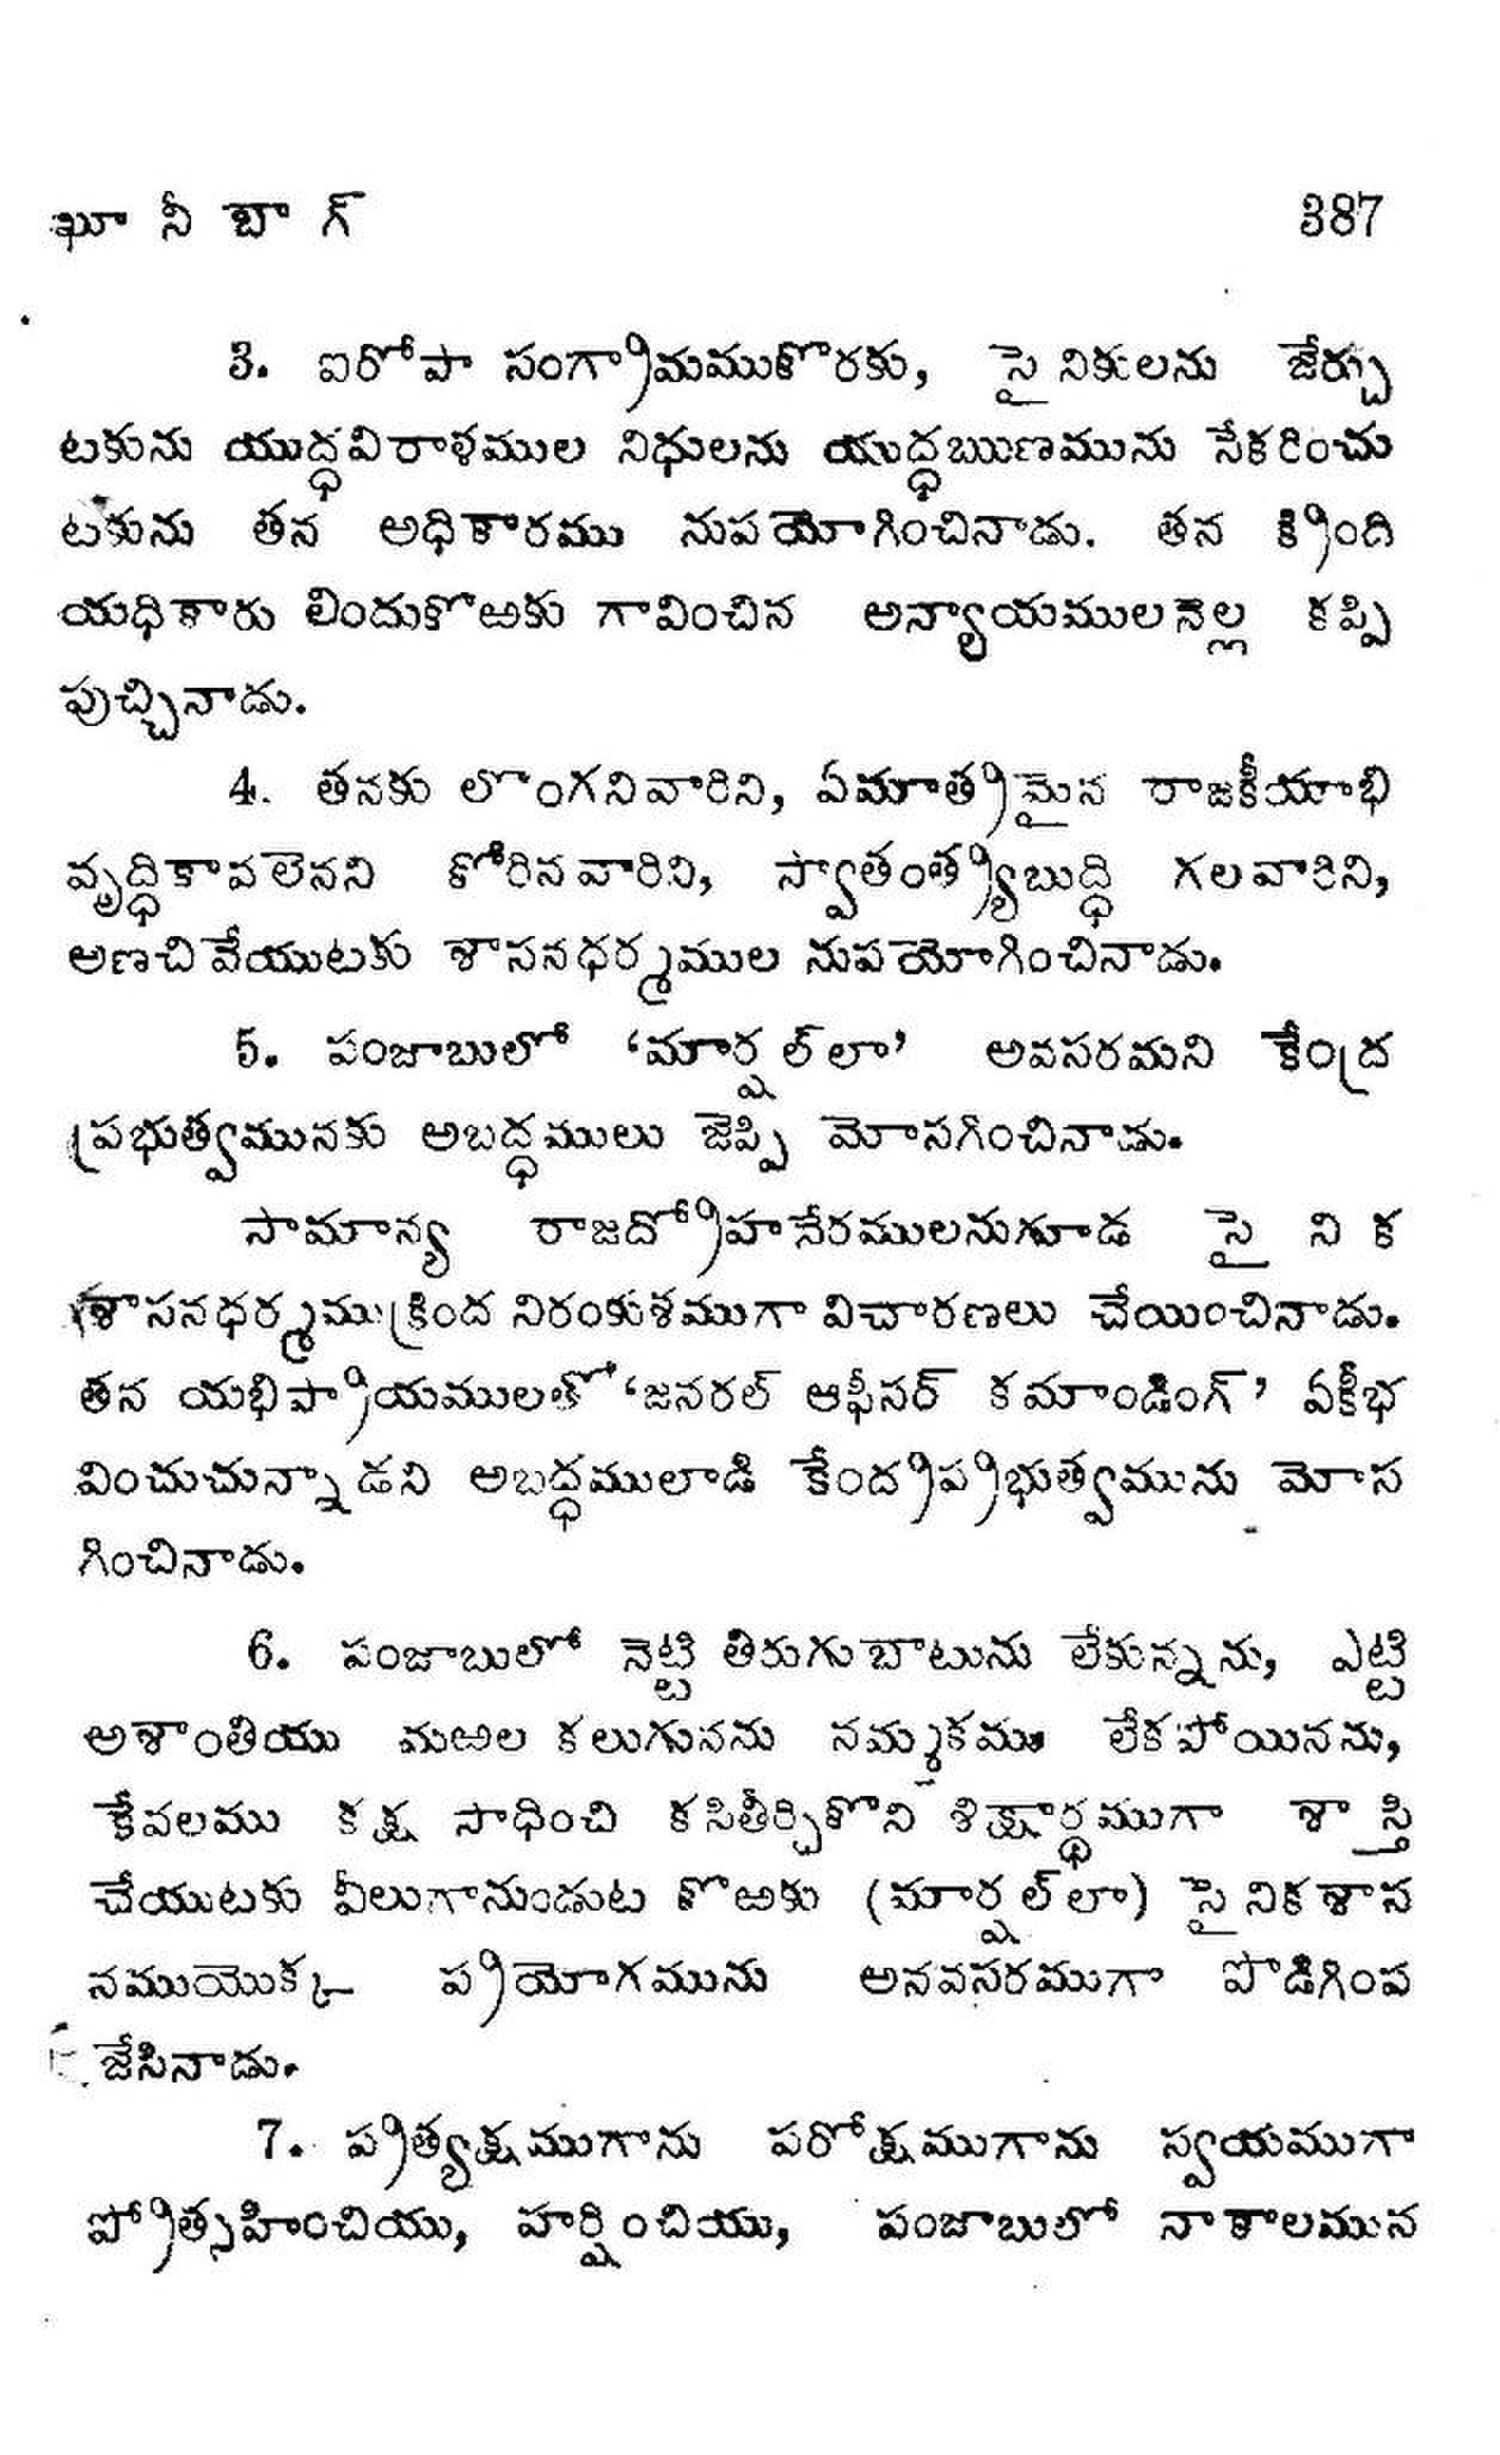3. ఐరోపా సంగ్రామముకొరకు, సైనికులను జేర్చుటకును యుద్ధవిరాళముల నిధులను యుద్ధఋణమును సేకరించుటకును తన అధికారము నుపయోగించినాడు. తన క్రింది యధికారు లిందుకొఱకు గావించిన అన్యాయముల నెల్ల కప్పిపుచ్చినాడు.

4. తనకు లొంగనివారిని, ఏమాత్రమైన రాజకీయాభివృద్ధికావలెనని కోరినవారిని, స్వాతంత్ర్యబుద్ధి గలవారిని, అణచివేయుటకు శాసనధర్మముల నుపయోగించినాడు.

5. పంజాబులో 'మార్షల్ లా' అవసరమని కేంద్రప్రభుత్వమునకు అబద్ధములు జెప్పి మోసగించినాడు.

సామాన్య రాజద్రోహనేరములనుగూడ సైనికశాసనధర్మముక్రింద నిరంకుశముగా విచారణలు చేయించినాడు. తన యభిప్రాయములతో 'జనరల్ ఆఫీసర్ కమాండింగ్' ఏకీభవించుచున్నాడని అబద్దములాడి కేంద్రప్రభుత్వమును మోసగించినాడు.

6. పంజాబులో నెట్టి తిరుగుబాటును లేకున్నను, ఎట్టి అశాంతియు మఱల కలుగునను నమ్మకము లేకపోయినను, కేవలము కక్ష సాధించి కసితీర్చికొని శిక్షార్ధముగా శాస్తిచేయుటకు వీలుగానుండుట కొఱకు (మార్షల్ లా) సైనికశాసనముయొక్క ప్రయోగమును అనవసరముగా పొడిగింపజేసినాడు.

7. ప్రత్యక్షముగాను పరోక్షముగాను స్వయముగా ప్రోత్సహించియు, హర్షించియు, పంజాబులో నాకాలమున